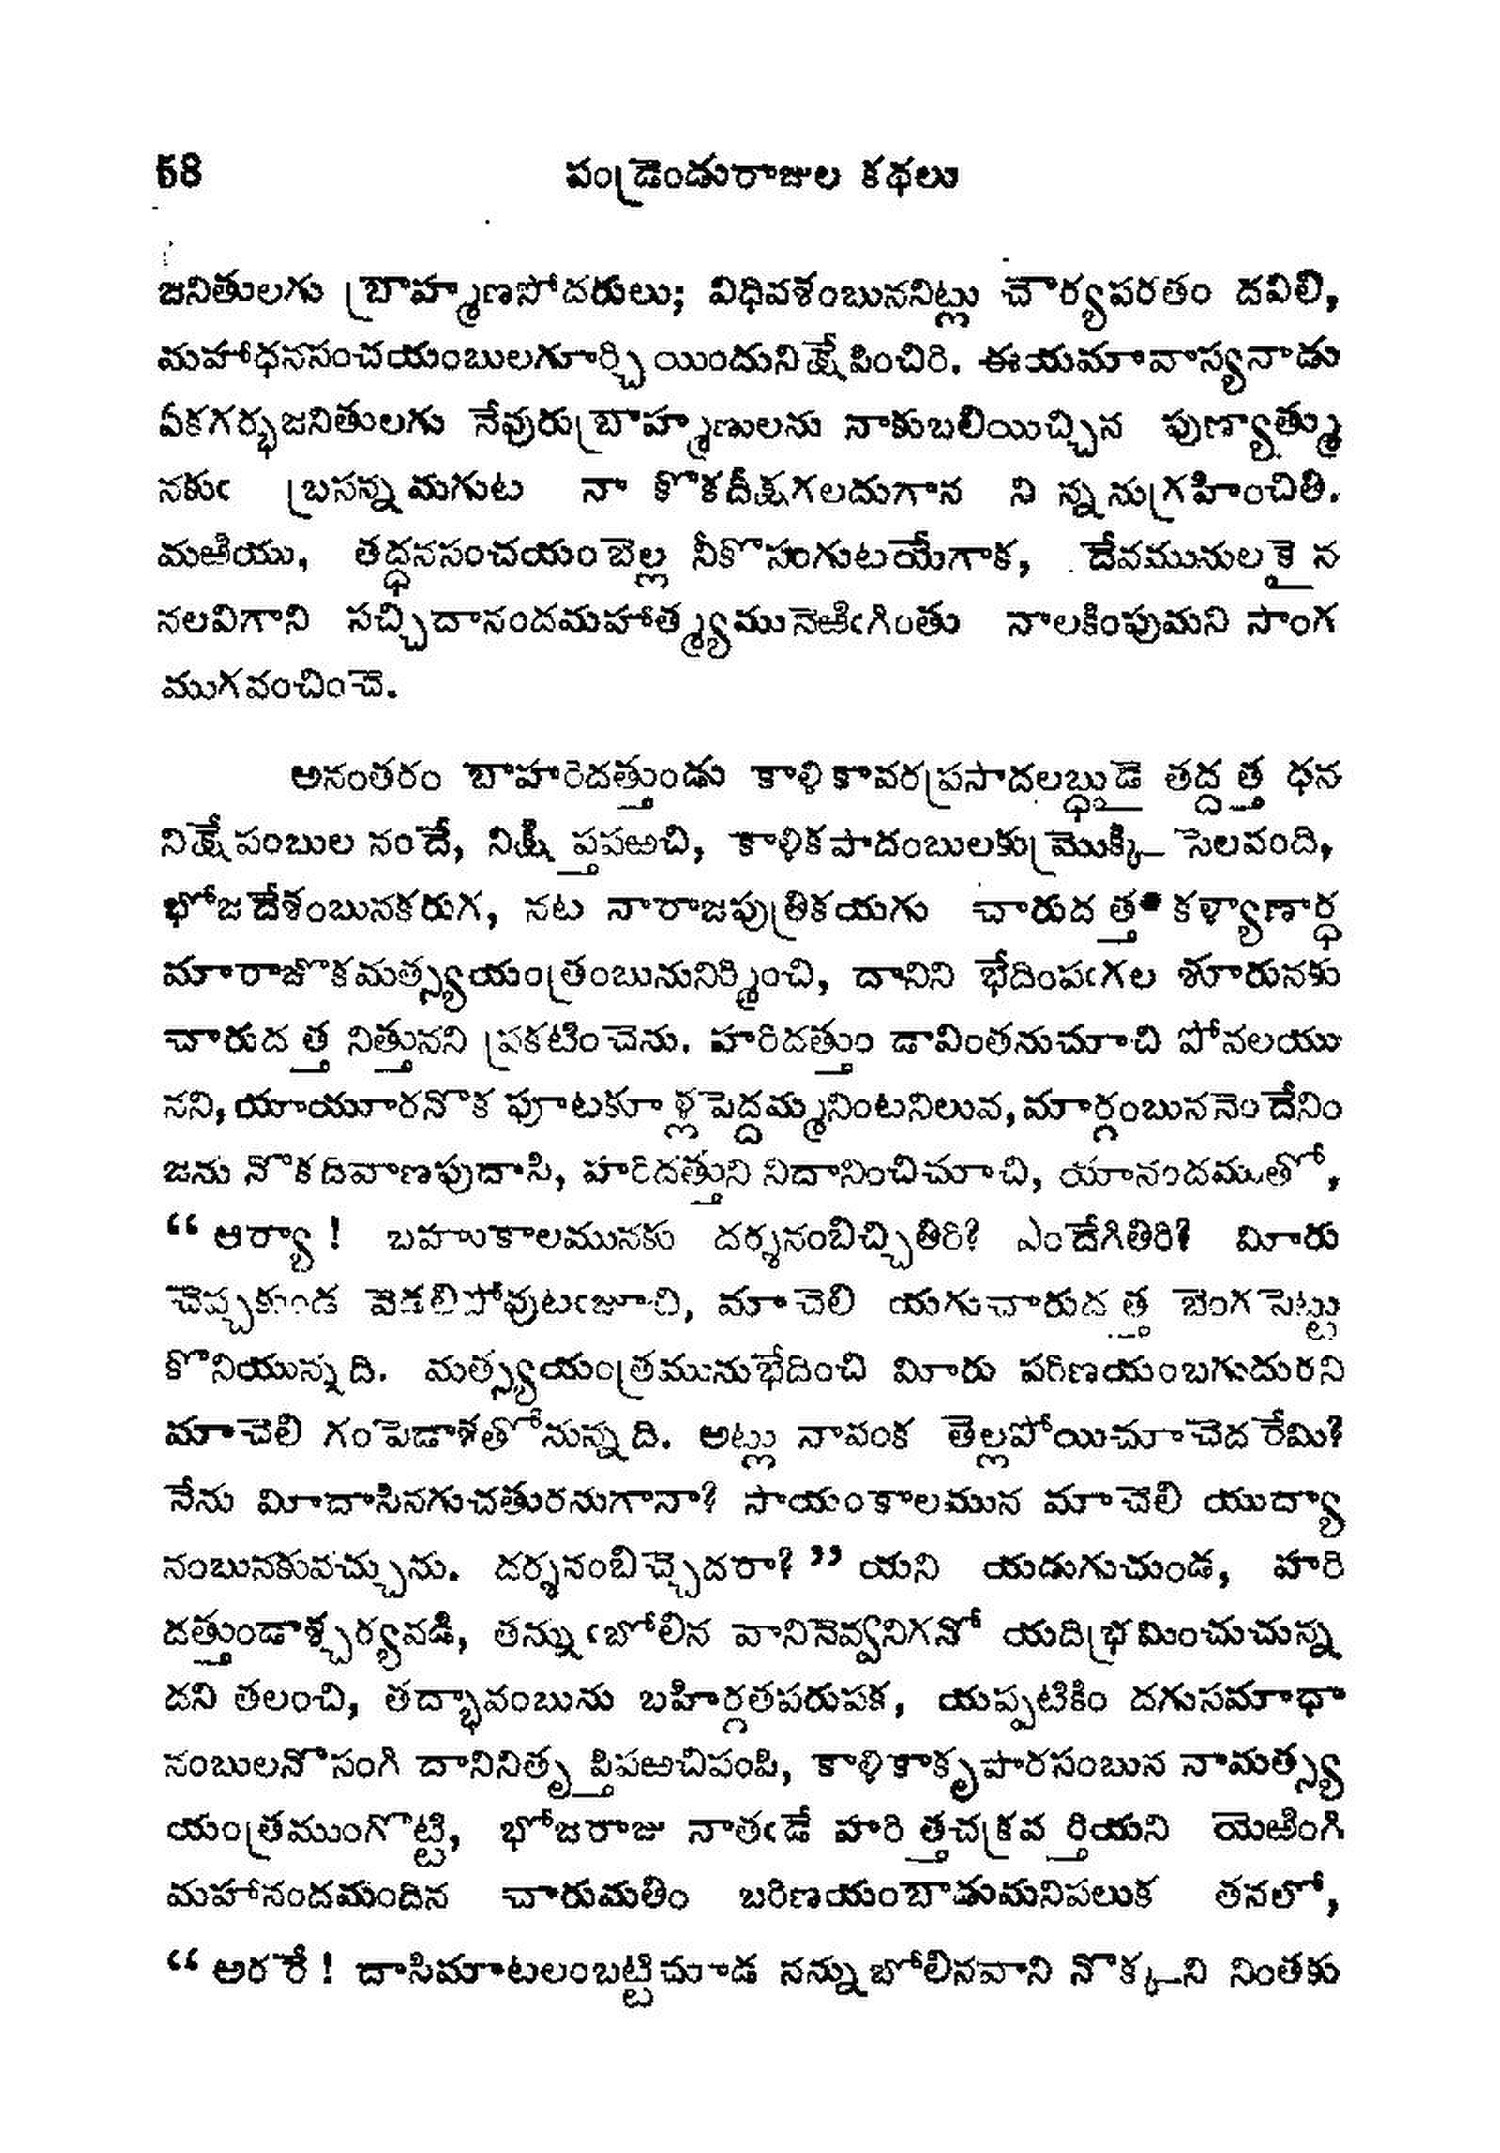జనితులగు బ్రాహ్మణసోదరులు; విధివశంబుననిట్లు చౌర్యపరతం దవిలి, మహాధనసంచయంబులగూర్చి యిందునిక్షేపించిరి. ఈయమావాస్య నాడు ఏకగర్భజనితులగు నేవురు బ్రాహ్మణులను నాకుబలియిచ్చిన పుణ్యాత్మునకుఁ బ్రసన్నమగుట నా కొకదీక్షగలదుగాన నిన్ననుగ్రహించితి. మఱియు, తద్ధనసంచయం బెల్ల నీకొసంగుటయేగాక, దేవమునులకైన నలవిగాని సచ్చిదానందమహాత్మ్యము నెఱిఁగింతు నాలకింపుమని సాంగముగవంచించె.

అనంతరం బాహరిదత్తుండు కాళికావరప్రసాదలబ్ధుడే తద్దత్త ధన నిక్షేపంబుల నందే, నిక్షిప్తపఱచి, కాళిక పాదంబులకు మ్రొక్కి సెలవంది, భోజదేశంబునకరుగ, నట నారాజపుత్రికయగు చారుదత్త కళ్యాణార్ధమారాజోక మత్స్యయంత్రంబును నిర్మించి, దానిని భేదింపఁగల శూరునకు చారుదత్త నిత్తునని ప్రకటించెను. హరిదత్తుం డావింతను చూచి పోవలయునని, యాయూరనొక ఫూటకూళ్ల పెద్దమ్మనింటనిలువ, మార్గంబున నెం దేనింజను నొక దివాణపుదాసి, హరిదత్తుని నిదానించి చూచి, యానందముతో, "ఆర్యా ! బహుకాలమునకు దర్శనంబిచ్చితిరి? ఎందేగితిరి? మీరు చెప్పకుండ వెడలిపోవుటఁజూచి, మా చెలి యగుచారుదత్త బెంగ పెట్టుకొనియున్నది. మత్స్యయంత్రమును భేదించి మీరు పరిణయంబగుదురని మాచెలి గంపెడాశతోనున్నది. అట్లు నావంక తెల్లపోయిచూచెదరేమి? నేను మిదాసినగుచతురనుగానా? సాయంకాలమున మా చెలి యుద్యానంబునకు వచ్చును. దర్శనంబిచ్చెదరా? ” యని యడుగుచుండ, హరిదత్తుండాశ్చర్యపడి, తన్నుఁబోలిన వానినెవ్వనిగనో యది భ్రమించుచున్నదని తలంచి, తద్భావంబును బహిర్గతపరుపక , యప్పటికిం దగుసమాధానంబుల నొసంగి దానిని తృప్తిపఱచి పంపి, కాళికాకృపారసంబున నామత్స్యయంత్రముంగొట్టి, భోజరాజు నాతఁడే హరిత్తచక్రవర్తియని యెఱింగి మహానందమందిన చారుమతిం బరిణయంబాడుమనిపలుక తనలో, "అరరే ! దాసిమాటలంబట్టిచూడ నన్ను బోలినవాని నొక్కని నింతకు